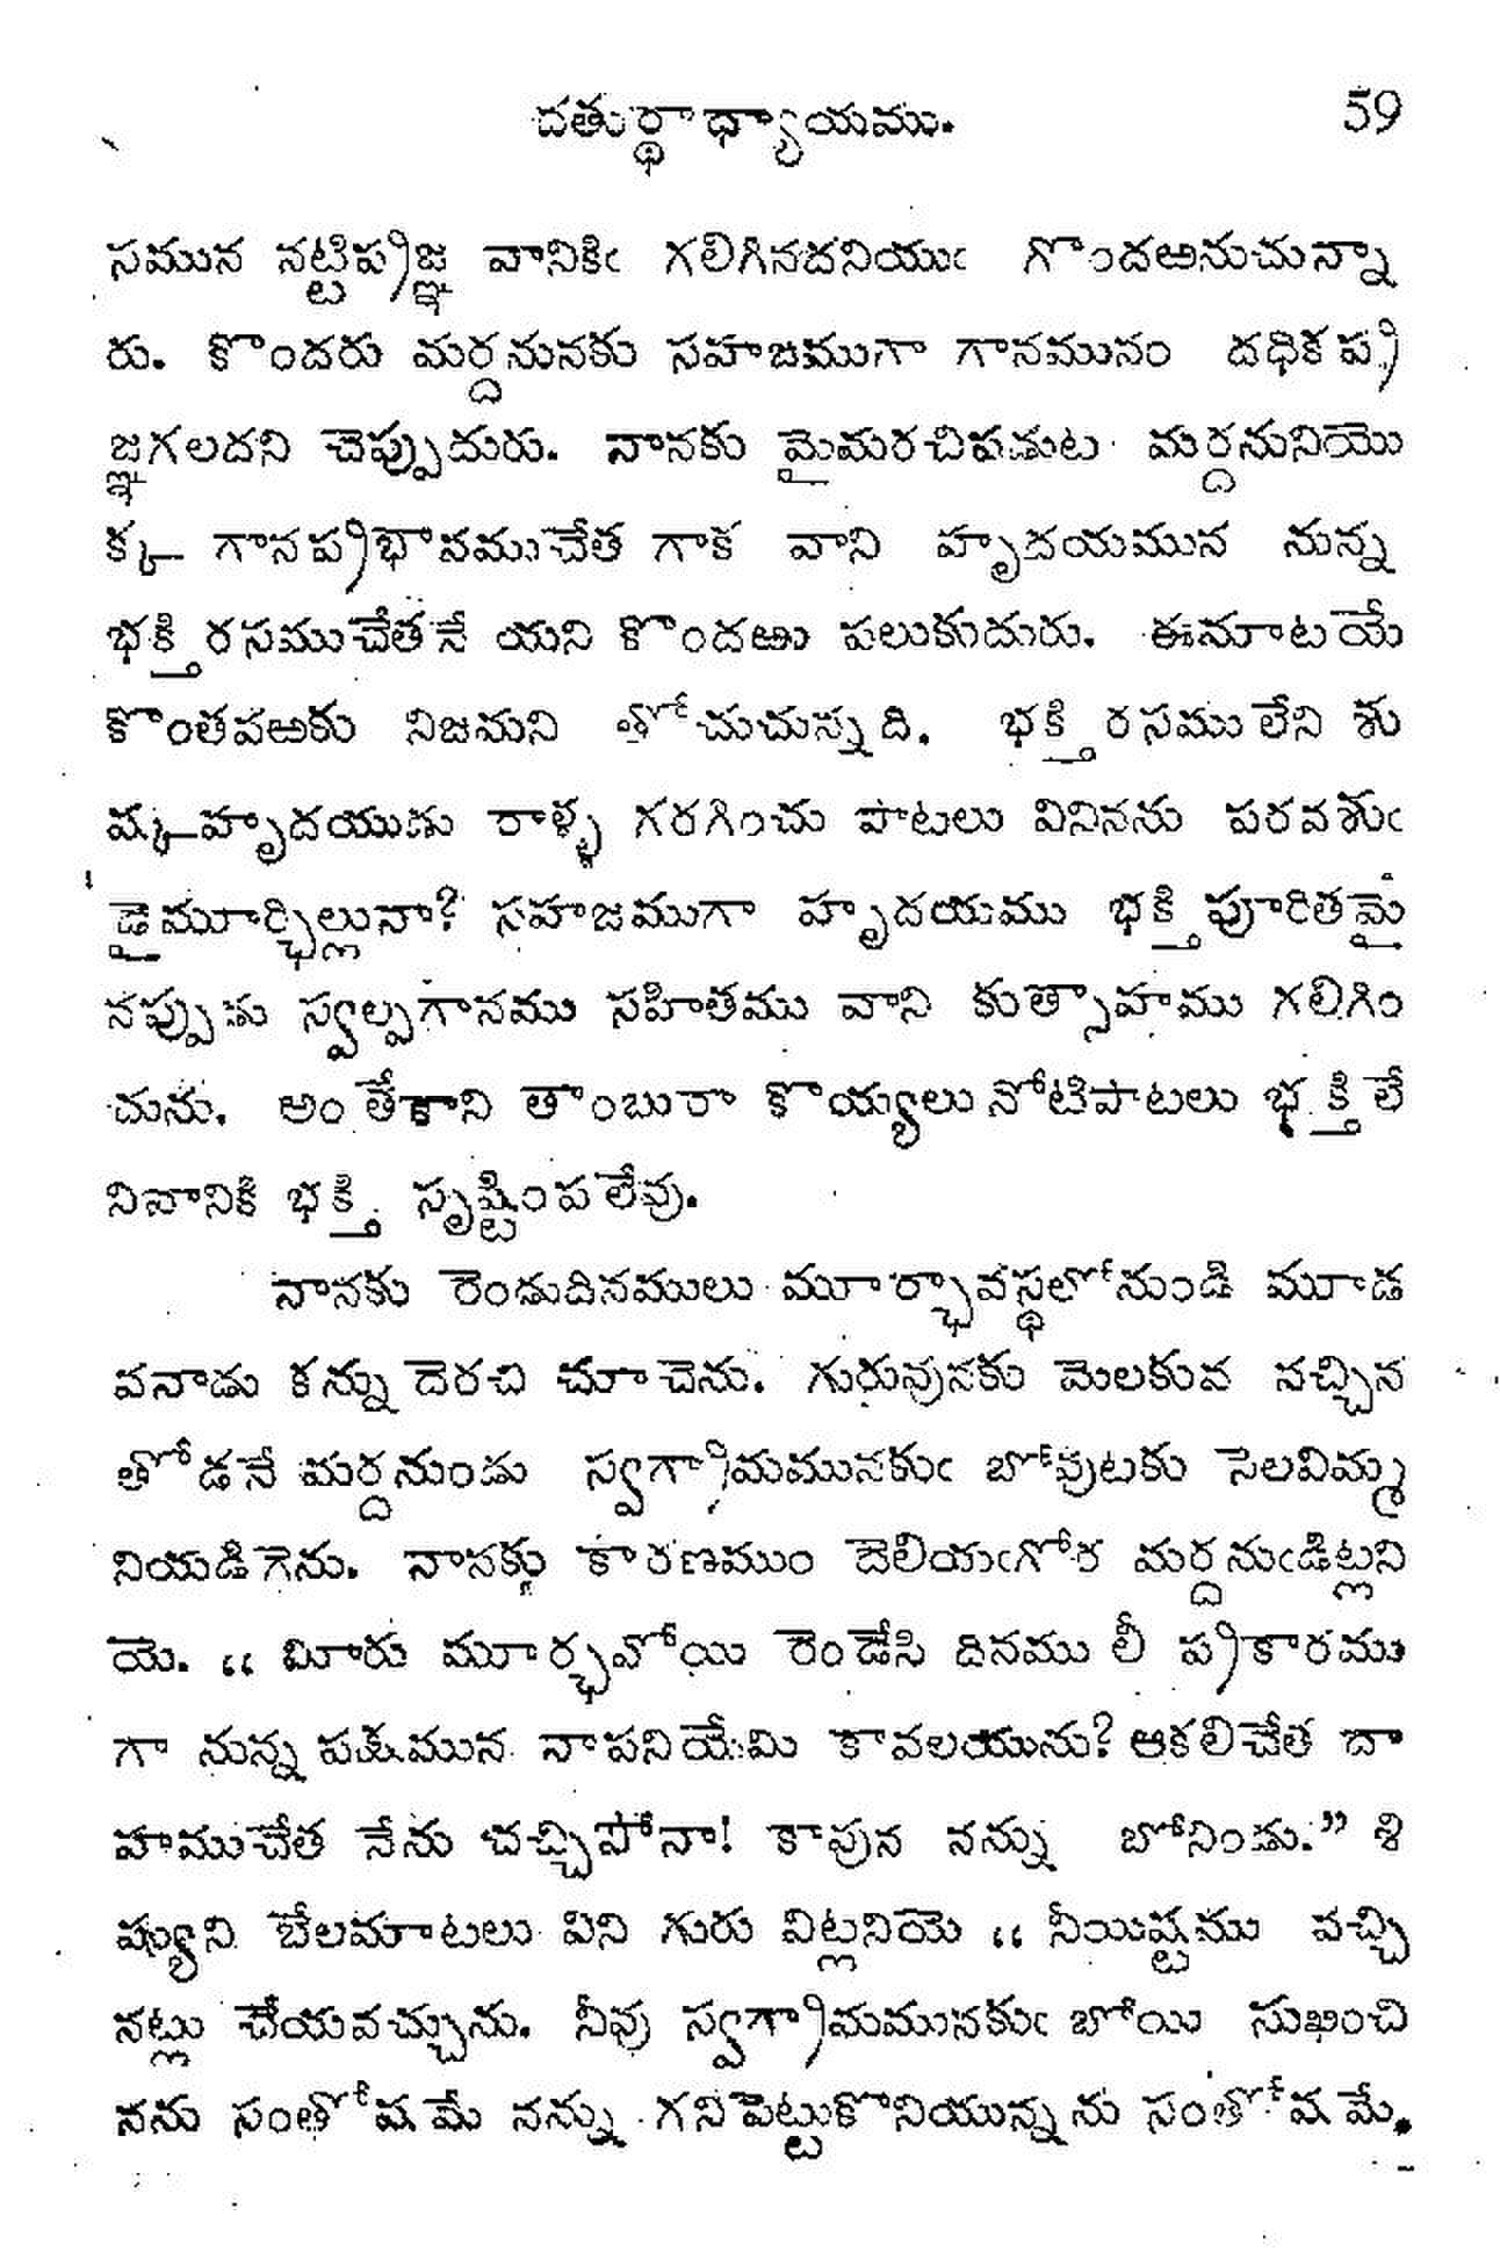సమున నట్టిప్రజ్ఞ వానికి గలినదనియు గొందఱునుచున్నారు. కొందరు మర్దనునకు సహజముగా గానమునం దధికప్రజ్ఞగలదని చెప్పుదురు. నానకు మైమరచిపడుట మర్దనునియొక్క గానప్రభావముచేత గాక వాని హృదయమున నున్న భక్తిరసముచేతనే యని కొందఱు పలుకుదురు. ఈమాటయే కొంతవఱకు నిజమని తోచుచున్నది. భక్తిరసములేని శుష్కహృదయుడు రాళ్ళ గరగించు పాటలు వినినను పరవశుడైమూర్ఛిల్లునా? సహజముగా హృదయము భక్తి పూరితమైనప్పుడు స్వల్పగానము సహితము వాని కుత్సాహము గలిగించును. అంతేకాని తాంబురా కొయ్యలు నోటిపాటలు భక్తిలేనివానికి భక్తి సృష్టింపలేవు.

నానకు రెండుదినములు మూర్ఛావస్థలోనుండి మూడవనాడు కన్ను దెరచి చూచెను. గురువునకు మెలకువ వచ్చినతోడనే మర్దనుండు స్వగ్రామమునకు బోవుటకు సెలవిమ్మనియడిగెను. నానకు కారణముం దెలియగోర మర్దనుడిట్లనియె. "మీరు మూర్ఛవోయి రెండేసి దినము లీ ప్రకారముగా నున్న పక్షమున నాపనియేమి కావలయును? ఆకలిచేత దాహముచేత నేను చచ్చిపోనా! కావున నన్ను బోనిండు." శిష్యుని బేలమాటలు విని గురు విట్లనియె "నీయిష్టము వచ్చినట్లు చేయవచ్చును. నీవు స్వగ్రామమునకు బోయి సుఖించినను సంతోషమే నన్ను గనిపెట్టుకొనియున్నను సంతోషమే,